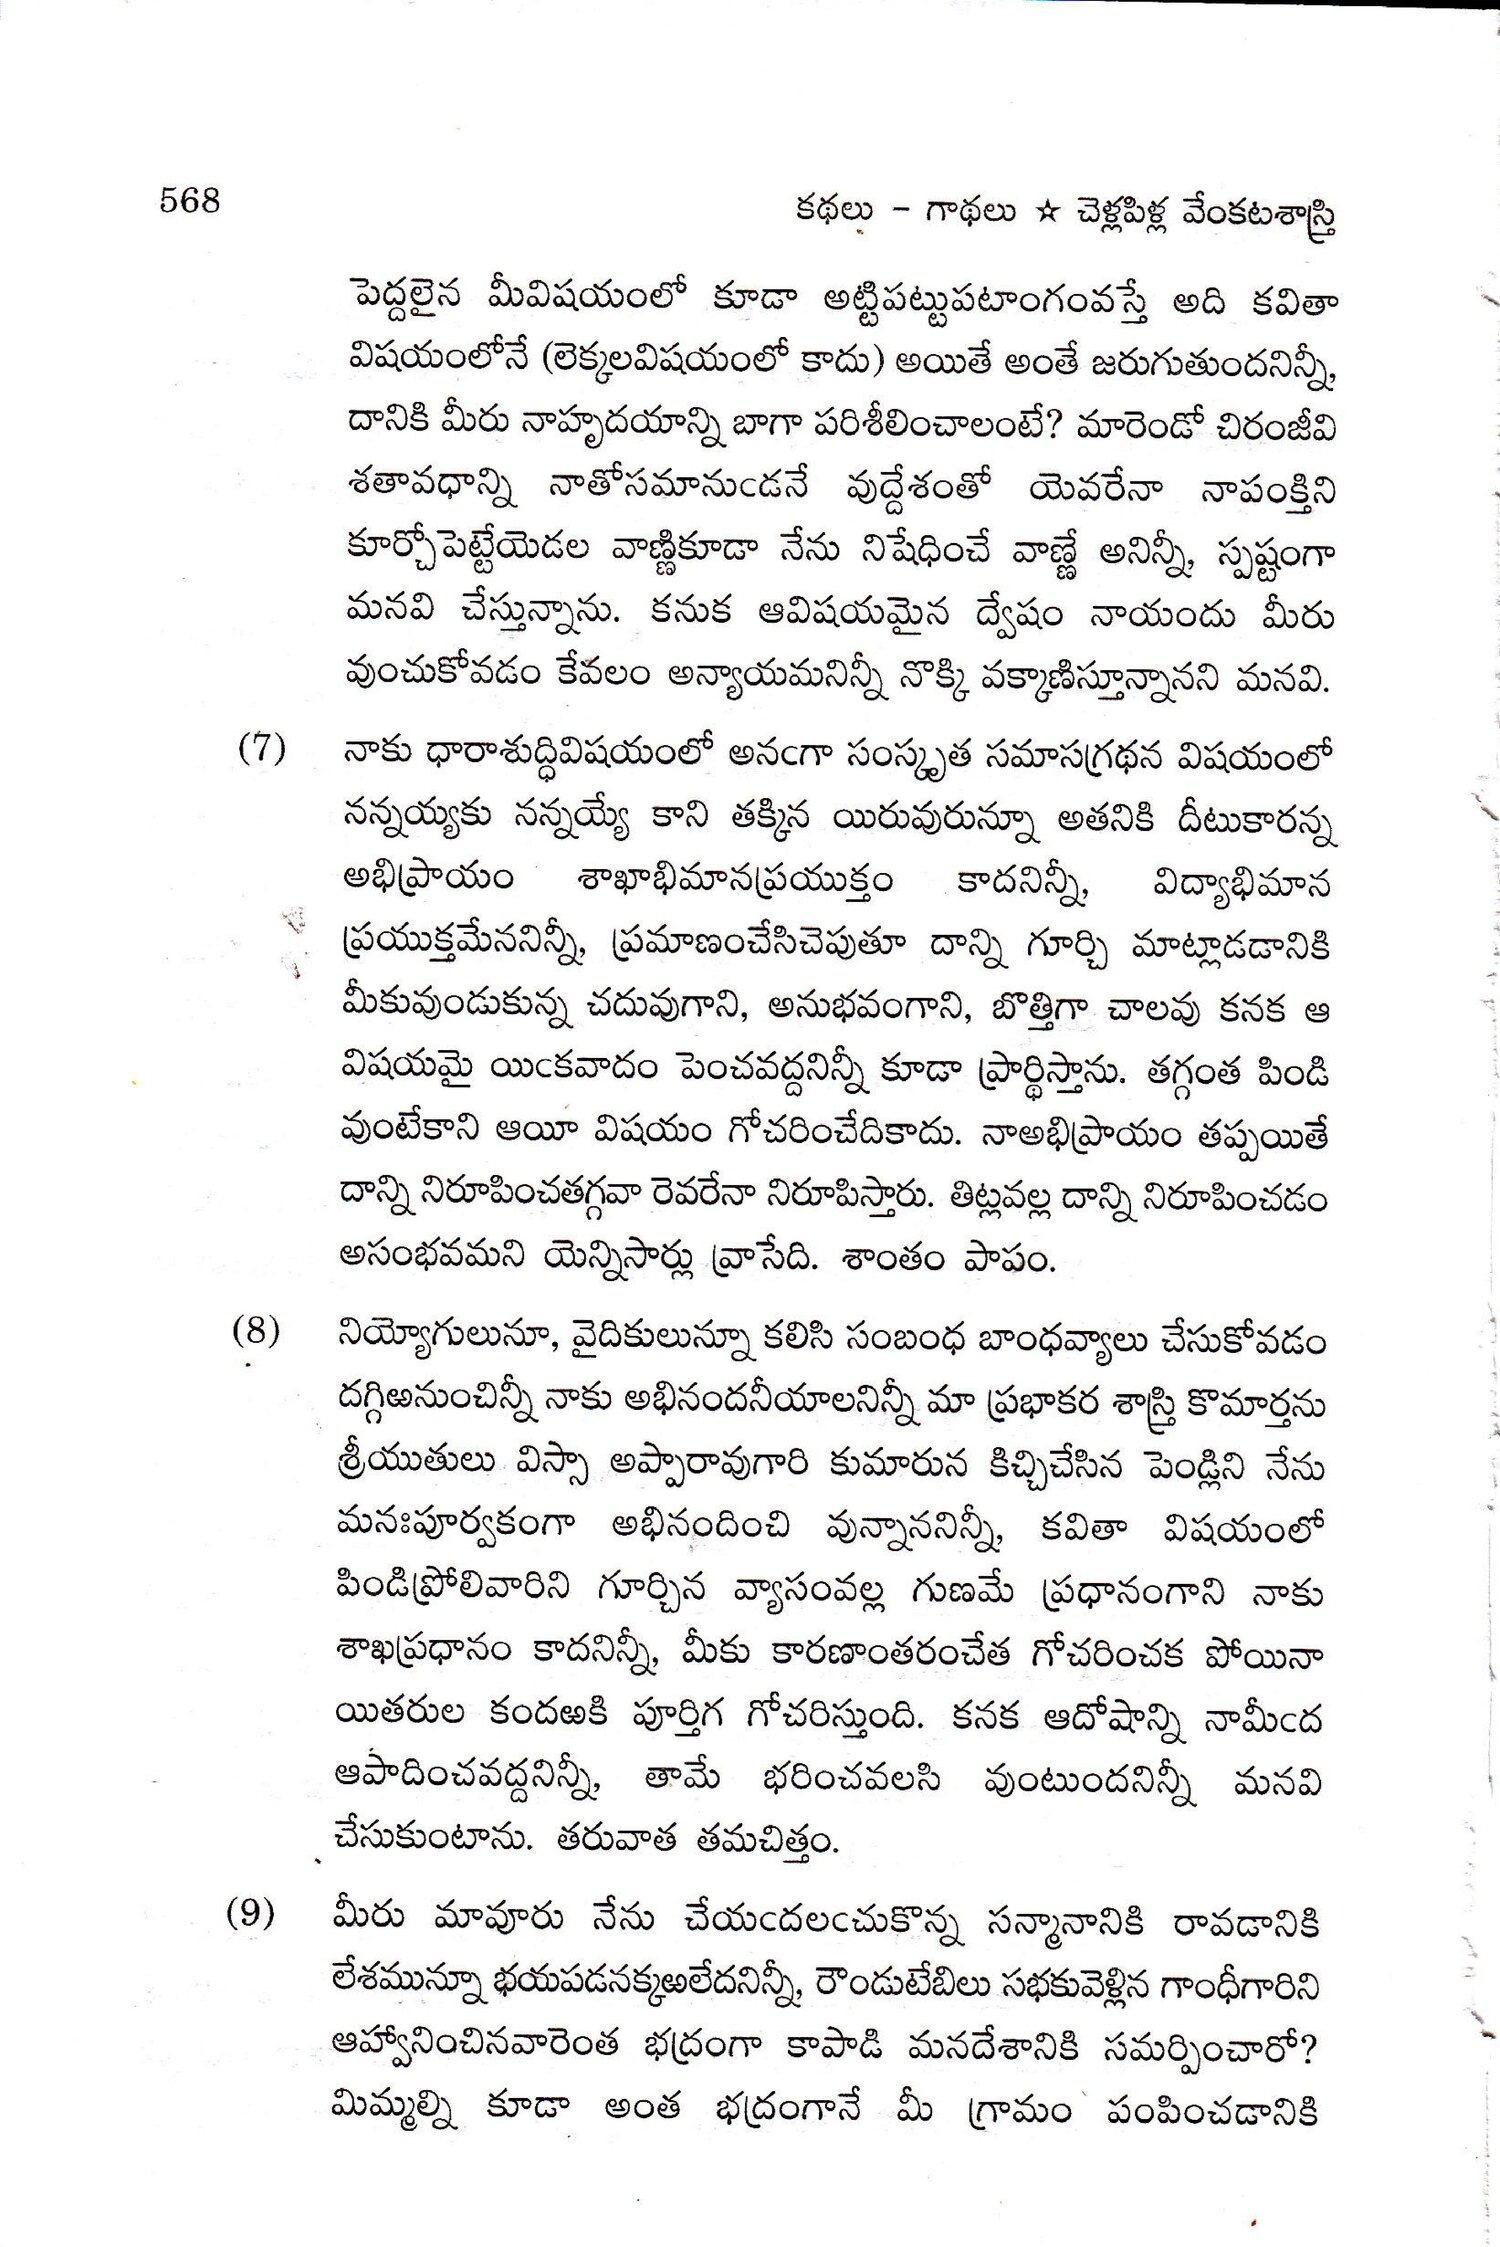పెద్దలైన మీవిషయంలో కూడా అట్టిపట్టుపటాంగంవస్తే అది కవితా విషయంలోనే (లెక్కలవిషయంలో కాదు) అయితే అంతే జరుగుతుందనిన్నీ దానికి మీరు నాహృదయాన్ని బాగా పరిశీలించాలంటే? మారెండో చిరంజీవి శతావధాన్ని నాతోసమానుఁడనే వుద్దేశంతో యెవరేనా నాపంక్తిని కూర్చోపెట్టేయెడల వాణ్ణికూడా నేను నిషేధించే వాణ్ణి అనిన్నీ స్పష్టంగా మనవి చేస్తున్నాను. కనుక ఆవిషయమైన ద్వేషం నాయందు మీరు వుంచుకోవడం కేవలం అన్యాయమనిన్నీ నొక్కి వక్కాణిస్తూన్నానని మనవి.

(7) నాకు ధారాశుద్ధివిషయంలో అనఁగా సంస్కృత సమాసగ్రథన విషయంలో నన్నయ్యకు నన్నయ్యే కాని తక్కిన యిరువురున్నూ అతనికి దీటుకారన్న అభిప్రాయం శాఖాభిమానప్రయుక్తం కాదనిన్నీ విద్యాభిమాన ప్రయుక్తమేననిన్నీ ప్రమాణంచేసిచెపుతూ దాన్ని గూర్చి మాట్లాడడానికి మీకువుండుకున్న చదువుగాని, అనుభవంగాని, బొత్తిగా చాలవు కనక ఆ విషయమై యిఁకవాదం పెంచవద్దనిన్నీ కూడా ప్రార్థిస్తాను. తగ్గంత పిండి వుంటేకాని ఆయీ విషయం గోచరించేదికాదు. నాఅభిప్రాయం తప్పయితే దాన్ని నిరూపించతగ్గవారెవరేనా నిరూపిస్తారు. తిట్లవల్ల దాన్ని నిరూపించడం అసంభవమని యెన్నిసార్లు వ్రాసేది. శాంతం పాపం.

(8) నియ్యోగులునూ, వైదికులున్నూ కలిసి సంబంధ బాంధవ్యాలు చేసుకోవడం దగ్గిఱనుంచిన్నీ నాకు అభినందనీయాలనిన్నీ మా ప్రభాకర శాస్త్రి కొమార్తను శ్రీయుతులు విస్సా అప్పారావుగారి కుమారున కిచ్చిచేసిన పెండ్లిని నేను మనఃపూర్వకంగా అభినందించి వున్నాననిన్నీ కవితా విషయంలో పిండిప్రోలివారిని గూర్చిన వ్యాసంవల్ల గుణమే ప్రధానంగాని నాకు శాఖప్రధానం కాదనిన్నీ మీకు కారణాంతరంచేత గోచరించక పోయినా యితరుల కందఱకి పూర్తిగ గోచరిస్తుంది. కనక ఆదోషాన్ని నామీఁద ఆపాదించవద్దనిన్నీ తామే భరించవలసి వుంటుందనిన్నీ మనవి
చేసుకుంటాను. తరువాత తమచిత్తం.

(9) మీరు మావూరు నేను చేయఁదలఁచుకొన్న సన్మానానికి రావడానికి లేశమున్నూ భయపడనక్కఱలేదనిన్నీ రౌండుటేబిలు సభకువెళ్లిన గాంధీగారిని ఆహ్వానించినవారెంత భద్రంగా కాపాడి మనదేశానికి సమర్పించారో? మిమ్మల్ని కూడా అంత భద్రంగానే మీ గ్రామం పంపించడానికి